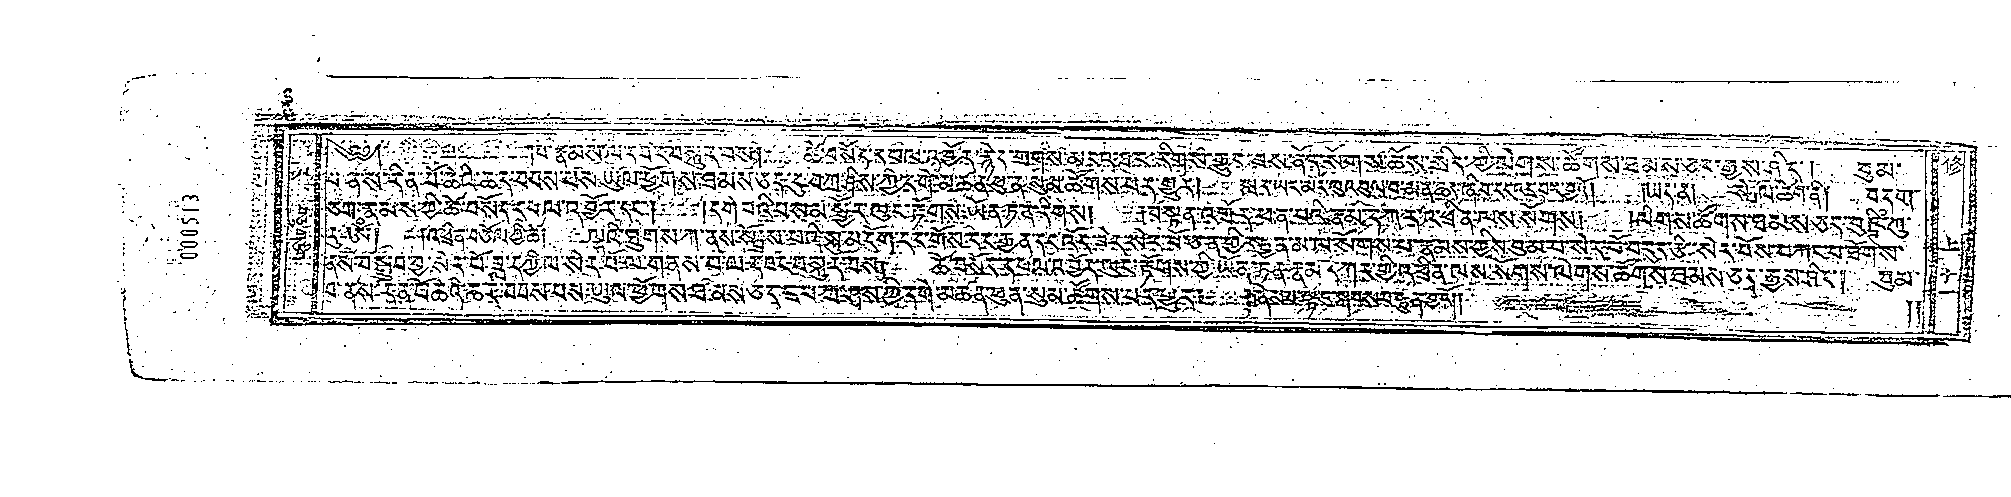༄༅། །པ་རྣམས་ལ་དབང་བསྐུར་བས། ཚེ་བསོད་དབལ་འབྱོར་རྙེད་གྲགས་མངའ་ཐང་རིགས་རྒྱུད་ཟས་ནོར་སོགས་ཆོས་སྲིད་ཀྱི་ལེགས་ཚོགས་ཐམས་ཅད་རྒྱས་ཤིང་། བུམ་
པ་ནས་རིན་པོ་ཆེའི་ཆར་བབས་པས་ཡུལ་ཕྱོགས་ཐམས་ཅད་དུ་བཀྲ་ཤིས་ཀྱི་དགེ་མ་ཚན་ཕུན་སུམ་ཚོགས་པར་གྱུར། སླར་ཡང་མར་ཁུ་འབུལ་བ་མན་ཆད་ཞི་བ་དང་འདྲ་བར་བྱའོ། །ཡང་ན། སྤེལ་ཚིག་ནི། བདག་
ཅག་རྣམས་ཀྱི་ཚེ་བསོད་དཔལ་འབྱོར་དང་། །དགེ་བའི་བསམ་སྦྱོར་ལུང་རྟོགས་ཡོན་ཏན་རིགས། །བསྟན་འགྲོར་ཕན་པའི་རྣམ་དཀར་འཕྲིན་ལས་སོགས། །ལེགས་ཚོགས་ཐམས་ཅད་བུཥྚིཾ་ཀུ་
དུ་ཨོཾ། །འཕྲིན་བཅོལ་ཀྱི་ཚེ། ལྷའི་ཐུགས་ཀ་ནས་སྤྲོས་པའི་སྐུ་མདོག་དང་གོས་དང་རྒྱན་དང་འོད་ཟེར་སེར་པོ་ཅན་གྱི་སྤྱན་མ་ལ་སོགས་པ་རྣམས་ཀྱིས་བུམ་པ་སེར་པོ་བདུད་རྩི་སེར་བོས་བཀང་བ་ཐོགས་
ནས་བསྒྲུབ་བྱ་སེར་པོ་ཟླ་དཀྱིལ་སེར་པོ་ལ་གནས་པ་ལ་དབང་བསྐུར་བས། ཚེ་བསོད་དཔལ་འབྱོར་ལུང་རྟོགས་ཀྱི་ཡོན་ཏན་རྣམ་དཀར་གྱི་འཕྲིན་ལས་སོགས་ལེགས་ཚོགས་ཐམས་ཅད་རྒྱས་ཤིང་། བུམ་
བ་ནས་རིན་པོ་ཆེའི་ཆར་བབས་པས་ཡུལ་ཕྱོགས་ཐམས་ཅད་དུ་བཀྲ་ཤིས་ཀྱི་དགེ་མཚན་ཕུན་སུམ་ཚོགས་པར་གྱུར། །ཞེས་པ་ལྟ་བུ་སྐབས་བསྟུན་བྱའོ།། །།